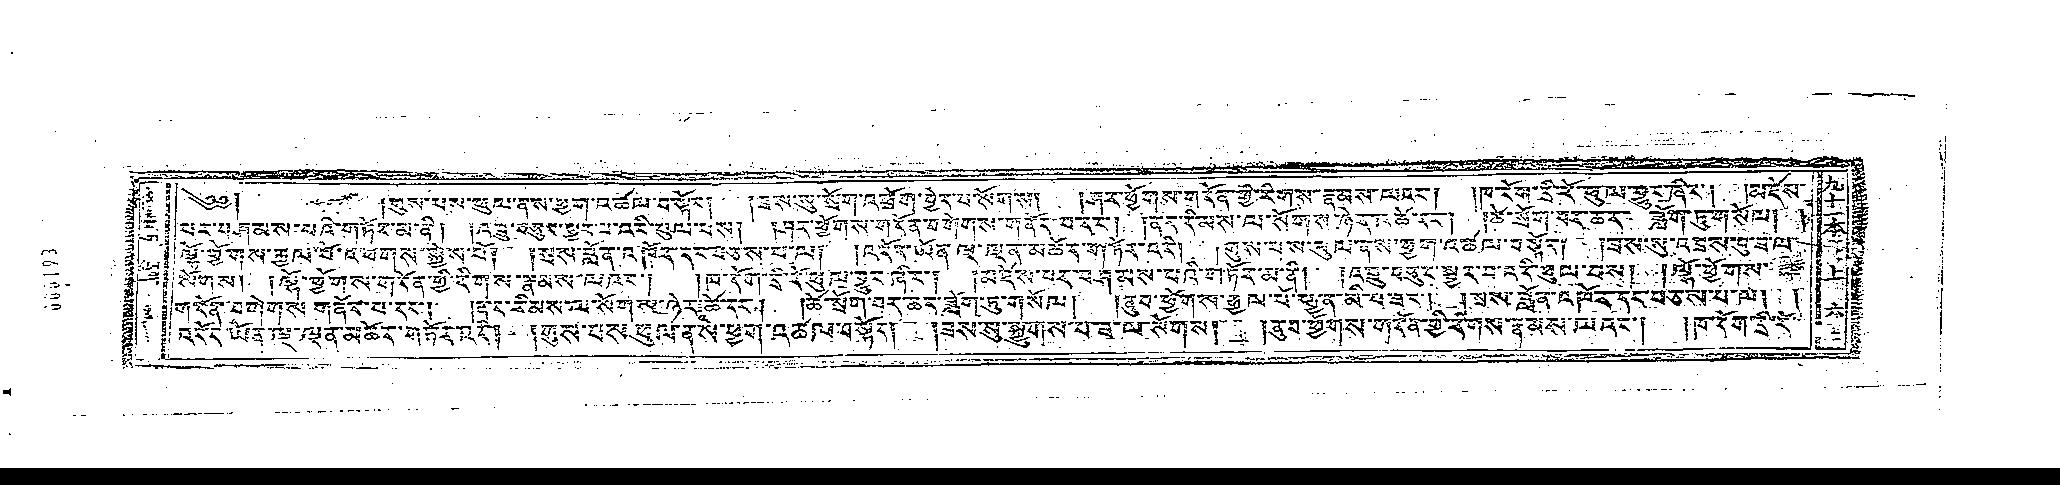༄༅། །གུས་པས་ཕུལ་ནས་ཕྱག་འཚལ་བསྟོད། །ཟས་སུ་སྲོག་འཕྲོག་བྱེད་པ་སོགས། །ཤར་ཕྱོགས་གདོན་གྱི་རིགས་རྣམས་ལའང་། །ཁ་དོག་དྲི་རོ་ཕུལ་བྱུང་ཞིང་། །མཛེས་
པར་བཤམས་པའི་གཏོར་མ་ནི། །འབྲུ་བཅུང་སྦྱར་བ་འདི་ཕུལ་བས། །ཤར་ཕྱོགས་གདོན་བགེགས་གནོད་པ་དང་། །ནད་རིམས་ལ་སོགས་ཉེར་འཚེ་དང་། །ཚེ་སྲོག་བར་ཆད་ཟློག་ཏུ་གསོལ། །
ལྷོ་ཕྱོགས་རྒྱལ་པོ་འཕགས་སྐྱེས་པོ། །སྲས་བློན་འཁོར་དང་བཅས་པ་ལ། །འདོད་ཡོན་ལྔ་ལྡན་མཆོད་གཏོར་འདི། །གུས་པས་ཕུལ་ནས་ཕྱག་འཚལ་བསྟོད། །ཟས་སུ་འབྲས་བུ་ཟལ་
སོགས། །ལྷོ་ཕྱོགས་གདོན་གྱི་རིགས་རྣམས་ལའང་། །ཁ་དོག་དྲི་རོ་ཕུལ་བྱུང་ཞིང་། །མཛེས་པར་བཤམས་པའི་གཏོར་མ་ནི། །འབྲུ་བཅུད་སྦྱར་བ་འདི་ཕུལ་པས། །ལྷོ་ཕྱོགས་
གདོན་བགེགས་གནོད་པ་དང་། །ནད་རིམས་ལ་སོགས་ཉེར་འཚེ་དང་། །ཚེ་སྲོག་བར་ཆད་ཟློག་ཏུ་གསོལ། །ནུབ་ཕྱོགས་རྒྱལ་པོ་སྤྱན་མི་བཟང་། །སྲས་བློན་འཁོར་དང་བཅས་པ་ལ། །
འདོད་ཡོན་ལྔ་ལྡན་མཆོད་གཏོར་འདི། །གུས་པས་ཕུལ་ནས་ཕྱག་འཚལ་བསྟོད། །ཟས་སུ་སྐྱུགས་པ་ཟ་ལ་སོགས། །ནུབ་ཕྱོགས་གདོན་གྱི་རིགས་རྣམས་ལའང་། །ཁ་དོག་དྲི་རོ་